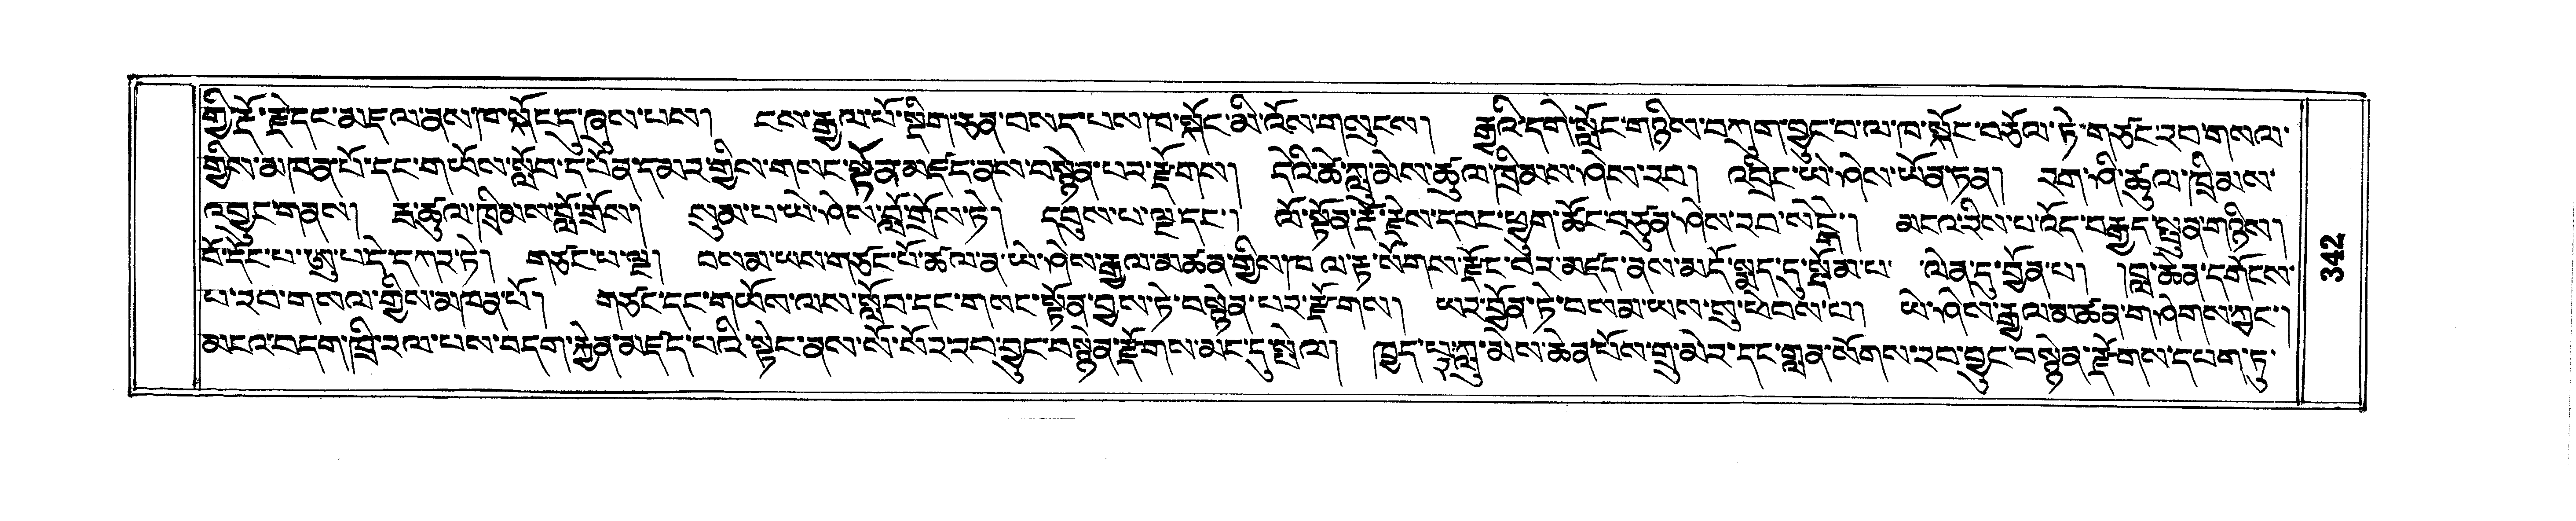གྱི་རྡོ་རྗེ་དང་མཇལ་ནས་ཁ་སྐོང་དུ་ཞུས་པས། ངས་རྒྱལ་པོ་སྡིག་ཅན་བསད་པས་ཁ་སྐོང་མི་འོས་གསུངས། རྒྱའི་དགེ་སློང་གཉིས་བཀུག་བྱུང་བ་ལ་ཁ་སྐོང་བཅོལ་ཏེ་གཙང་རབ་གསལ་
གྱིས་མཁན་པོ་དང་གཡོས་སློབ་དཔོན་དམར་གྱིས་གསང་སྟོན་མཛད་ནས་བསྙེན་པར་རྫོགས། དེའི་ཚེ་ཀླུ་མེས་ཚུལ་ཁྲིམས་ཤེས་རབ། འབྲིང་ཡེ་ཤེས་ཡོན་ཏན། རག་ཤི་ཚུལ་ཁྲིམས་
འབྱུང་གནས། རྦ་ཚུལ་ཁྲིམས་བློ་གྲོས། སུམ་པ་ཡེ་ཤེས་བློ་གྲོས་ཏེ། དབུས་པ་ལྔ་དང་། ལོ་སྟོན་རྡོ་རྗེས་དབང་ཕྱུག་ཚོང་བཙུན་ཤེས་རབ་སེངྒེ། མངའ་རིས་པ་འོད་བརྒྱད་སྤུན་གཉིས་
བོ་དོང་པ་ཨུ་པ་དེ་དཀར་ཏེ། གཙང་པ་ལྔ། བསམ་ཡས་གཙང་པོ་ཚལ་ན་ཡེ་ཤེས་རྒྱལ་མཚན་གྱིས་ཁལ་རྟ་སོགས་རྫོང་བར་མཛད་ནས་མདོ་སྨད་དུ་སྡོམ་པ་ལེན་དུ་བྱོན་པ། །བླ་ཆེན་དགོངས་
པ་རབ་གསལ་གྱིས་མཁན་པོ། གཙང་དང་གཡོས་ལས་སློབ་དང་གསང་སྟོན་བྱས་ཏེ་བསྙེན་པར་རྫོགས། ཡར་བྱོན་ཏེ་བསམ་ཡས་སུ་ཕེབས་པ། ཡེ་ཤེས་རྒྱལ་མཚན་གཤེགས་ཀྱང་།
མངའ་བདག་ཁྲི་རལ་པས་བདག་རྐྱེན་མཛད་པའི་སྟེང་ནས་སོ་སོར་རབ་བྱུང་བསྙེན་རྫོགས་མང་དུ་སྤེལ། ཁྱད་པར་ཀླུ་མེས་ཆེན་པོས་གྲུ་མེར་དང་གླན་སོགས་རབ་བྱུང་བསྙེན་རྫོགས་དཔག་ཏུ་